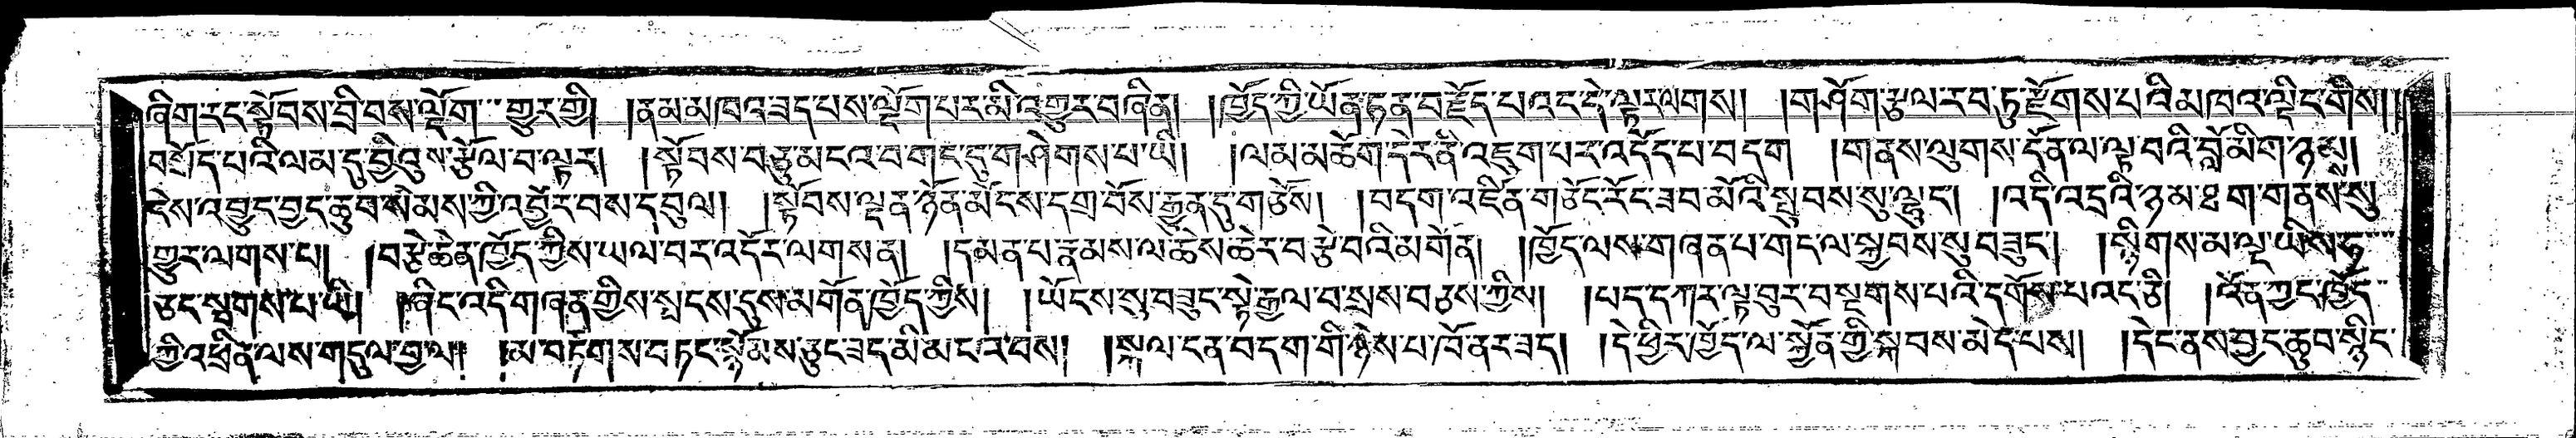ཞིག་རང་སྟོབས་བྲི་བས་ལྡོག་གྱུར་གྱི། །ནམ་མཁའ་ཟད་པས་ལྡོག་པར་མི་འགྱུར་བཞིན། །ཁྱོད་ཀྱི་ཡོན་ཏན་བརྗོད་པའང་དེ་ལྟར་ལགས། །གཤོག་རྩལ་རབ་ཏུ་རྫོགས་པའི་མཁའ་ལྡིང་གིས། །
བསྲོད་པའི་ལམ་དུ་བྱིའུས་རྩོལ་བ་ལྟར། །སྟོབས་བཅུ་མངའ་བ་གང་དུ་གཤེགས་པ་ཡི། །ལམ་མཆོག་དེར་ནི་འཇུག་པར་འདོད་པ་བདག །གནས་ལུགས་དོན་ལ་ལྟ་བའི་བློ་མིག་ཉམས། །
ངེས་འབྱུང་བྱང་ཆུབ་སེམས་ཀྱི་འབྱོར་བས་དབུལ། །སྟོབས་ལྡན་ཉོན་མོངས་དགྲ་བོས་རྒྱུན་དུ་གཙོས། །བདག་འཛིན་གཅོད་རོང་ཟབ་མོའི་སྤུབས་སུ་ལྷུང་། །འདི་འདྲའི་ཉམ་ཐག་གནས་སུ་
གྱུར་ལགས་པ། །བརྩེ་ཆེན་ཁྱོད་ཀྱིས་ཡལ་བར་འདོར་ལགས་ན། །དམན་པ་རྣམས་ལ་ཆེས་ཆེར་བརྩེ་བའི་མགོན། །ཁྱོད་ལས་གཞན་པ་གང་ལ་སྐྱབས་སུ་བཟུང་། །སྙིགས་མ་ལྔ་ཡིས་ཧ་
ཅང་སྤགས་པ་ཡི། །ཞིང་འདི་གཞན་གྱིས་སྤངས་དུས་མགོན་ཁྱོད་ཀྱིས། །ཡོངས་སུ་བཟུང་སྟེ་རྒྱལ་བ་སྲས་བཅས་ཀྱིས། །པད་དཀར་ལྟ་བུར་བསྔགས་པའི་དགོས་པའང་ཅི། །འོན་ཀྱང་ཁྱོད་
ཀྱི་འཕྲིན་ལས་གདུལ་བྱ་ལ། །མ་བཏོགས་བཏང་སྙོམས་ཅུང་ཟད་མི་མངའ་བས། །སྐལ་ངན་བདག་གི་ཉེས་པ་ཁོ་ནར་ཟད། །དེ་ཕྱིར་ཁྱོད་ལ་སྐྱོན་གྱི་སྐབས་མེད་པས། །དེང་ནས་བྱང་ཆུབ་སྙིང་